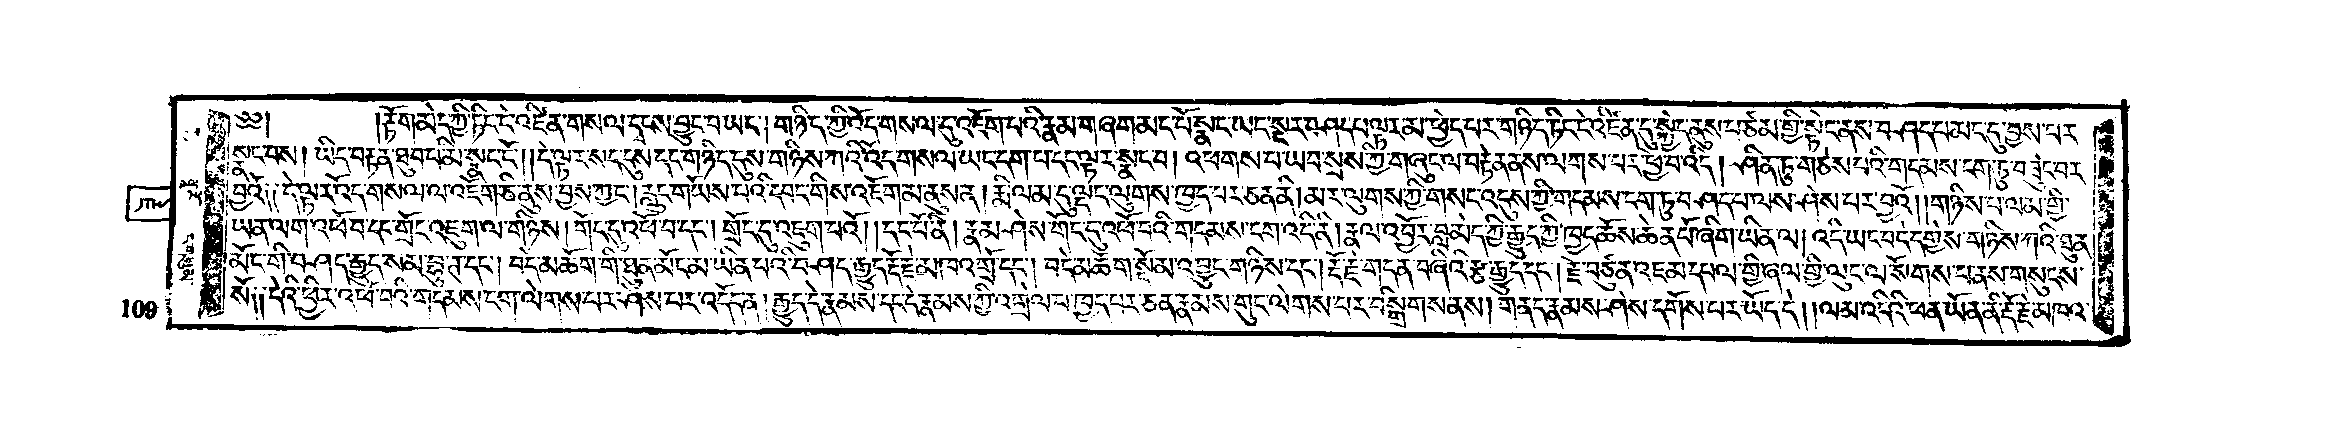༄༅། །རྟོག་མེད་ཀྱི་ཏིང་ངེ་འཛིན་གསལ་དྭངས་བྱུང་བ་ཡང་། གཉིད་ཀྱི་འོད་གསལ་དུ་འཇོག་པའི་རྣམ་གཞག་མང་པོ་སྣང་ཡང་སྔར་བཤད་པ་ལྟར་མ་ཕྱེད་པར་གཉིད་ཏིང་ངེ་འཛིན་དུ་སྐྱེད་ནུས་པ་ཙམ་གྱི་སྟེང་ནས་བཤད་པ་མང་དུ་བྱས་པར་
སྣང་བས། ཡིད་བརྟན་ཐུབ་པ་མི་སྣང་ངོ། །དེ་ལྟར་སད་དུས་དང་གཉིད་དུས་གཉིས་ཀའི་འོད་གསལ་ཡང་དག་པ་དང་ལྟར་སྣང་བ། འཕགས་པ་ཡབ་སྲས་ཀྱི་གཞུང་ལ་བརྟེན་ནས་ལགས་པར་ཕྱེ་བ་འདི། ཤིན་ཏུ་གཅེས་པའི་གདམས་ངག་ཏུ་བཟུང་བར་
བྱའོ། །དེ་ལྟར་འོད་གསལ་ལ་འཇོག་ཅི་ནུས་བྱས་ཀྱང་། རླུང་གཡོས་པའི་དབང་གིས་འཇོག་མ་ནུས་ན། རྨི་ལམ་དུ་ལྡང་ལུགས་ཁྱད་པར་ཅན་ནི། མར་ལུགས་ཀྱི་གསང་འདུས་ཀྱི་གདམས་ངག་ཏུ་བཤད་པ་ལས་ཤེས་པར་བྱའོ། །གཉིས་པ་ལམ་གྱི་
ཡན་ལག་འཕོ་བ་དང་གྲོང་འཇུག་ལ་གཉིས། གོང་དུ་འཕོ་བ་དང་། གྲོང་དུ་འཇུག་པའོ། །དང་པོ་ནི། རྣམ་ཤེས་གོང་དུ་འཕོ་བའི་གདམས་ངག་འདི་ནི། རྣལ་འབྱོར་བླ་མེད་ཀྱི་རྒྱུད་ཀྱི་ཁྱད་ཆོས་ཆེན་པོ་ཞིག་ཡིན་ལ། འདི་ཡང་བདེ་དགྱེས་གཉིས་ཀའི་ཐུན་
མོང་གི་བཤད་རྒྱུད་སམ་བྷུ་ཊ་དང་། བདེ་མཆོག་གི་ཐུན་མོང་མ་ཡིན་པའི་བཤད་རྒྱུད་རྡོ་རྗེ་མཁའ་འགྲོ་དང་། བདེ་མཆོག་སྡོམ་འབྱུང་གཉིས་དང་། རྡོ་རྗེ་གདན་བཞིའི་རྩ་རྒྱུད་དང་། རྗེ་བཙུན་འཇམ་དཔལ་གྱི་ཞལ་གྱི་ལུང་ལ་སོགས་པ་ནས་གསུངས་
སོ། །དེའི་ཕྱིར་འཕོ་བའི་གདམས་ངག་ལེགས་པར་ཤེས་པར་འདོད་ན། རྒྱུད་དེ་རྣམས་དང་དེ་རྣམས་ཀྱི་འགྲེལ་པ་ཁྱད་པར་ཅན་རྣམས་གུང་ལེགས་པར་བསྒྲིགས་ནས། གནད་རྣམས་ཤེས་དགོས་པར་ཡོད་དེ། །ལམ་འདིའི་ཕན་ཡོན་ནི་རྡོ་རྗེ་མཁའ་